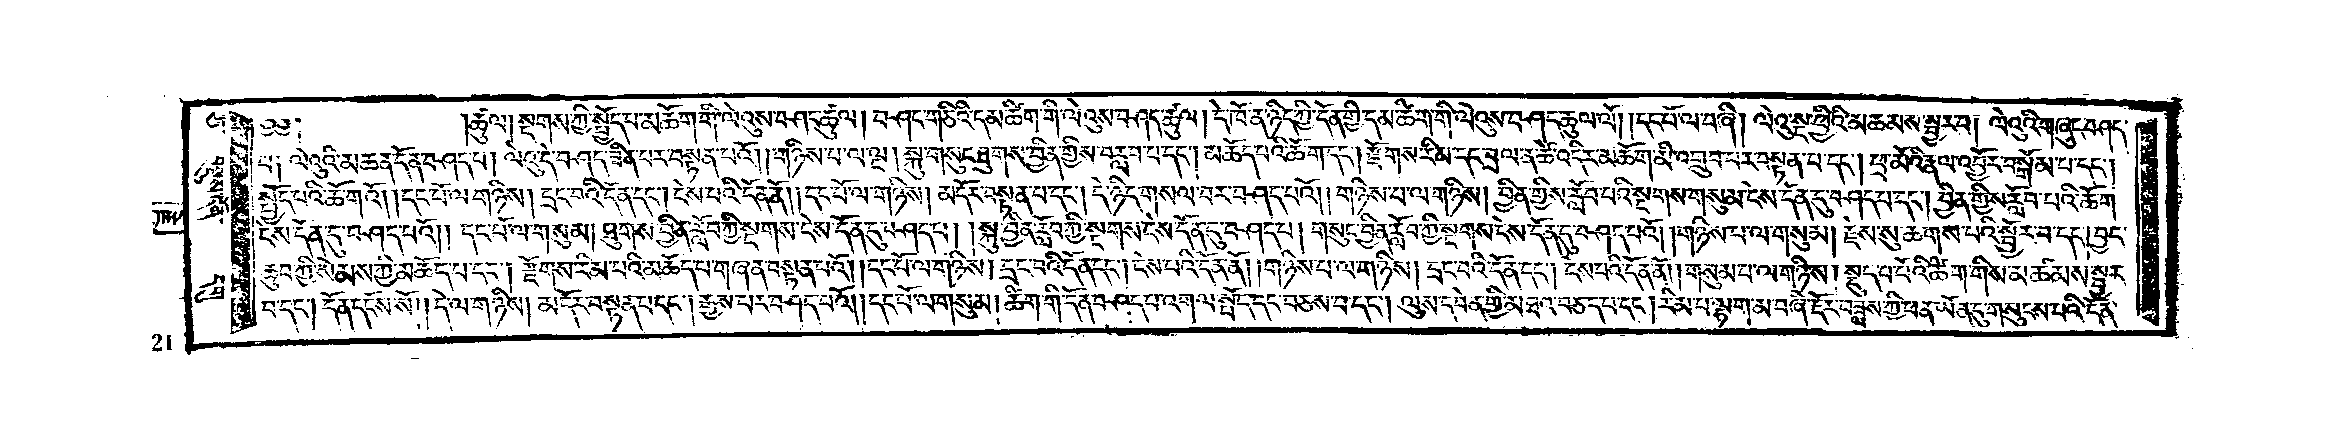༄༅། །ཚུལ། སྔགས་ཀྱི་སྤྱོད་པ་མཆོག་གི་ལེའུས་བཤད་ཚུལ། བཤང་གཅིའི་དམ་ཚིག་གི་ལེའུས་བཤད་ཚུལ། དེ་ཁོ་ན་ཉིད་ཀྱི་དོན་གྱི་དམ་ཚིག་གི་ལེའུས་བཤད་ཚུལ་ལོ། །དང་པོ་ལ་བཞི། ལེའུ་སྔ་ཕྱིའི་མཚམས་སྦྱར་བ། ལེའུའི་གཞུང་བཤད་
པ༑ ལེའུའི་མཚན་དོན་བཤད་པ། ལེའུ་དེ་བཤད་ཟིན་པར་བསྟན་པའོ། །གཉིས་པ་ལ་ལྔ། སྐུ་གསུང་ཐུགས་བྱིན་གྱིས་བརླབ་པ་དང་། མཆོད་པའི་ཆོ་ག་དང་། རྫོགས་རིམ་དང་བྲལ་ན་ཚེ་འདིར་མཆོག་མི་འགྲུབ་པར་བསྟན་པ་དང་། ཕྲ་མོའི་རྣལ་འབྱོར་བསྒོམ་པ་དང་།
སྤྱོད་པའི་ཆོ་གའོ། །དང་པོ་ལ་གཉིས། དྲང་བའི་དོན་དང་། ངེས་པའི་དོན་ནོ། །དང་པོ་ལ་གཉིས། མདོར་བསྟན་པ་དང་། དེ་ཉིད་གསལ་བར་བཤད་པའོ། །གཉིས་པ་ལ་གཉིས། བྱིན་གྱིས་རློབ་པའི་སྔགས་གསུམ་ངེས་དོན་དུ་བཤད་པ་དང་། བྱིན་གྱིས་རློབ་པའི་ཆོ་ག་
ངེས་དོན་དུ་བཤད་པའོ། །དང་པོ་ལ་གསུམ་ཐུགས་བྱིན་རློབ་ཀྱི་སྔགས་ངེས་དོན་དུ་བཤད་པ། །སྐུ་བྱིན་རློབ་ཀྱི་སྔགས་ངེས་དོན་དུ་བཤད་པ། གསུང་བྱིན་རློབ་ཀྱི་སྔགས་ངེས་དོན་དུ་བཤད་པའོ། །གཉིས་པ་ལ་གསུམ། རྗེས་སུ་ཆགས་པའི་སྦྱོར་བ་དང་། བྱང་
ཆུབ་ཀྱི་སེམས་ཀྱི་མཆོད་པ་དང་། རྫོགས་རིམ་པའི་མཆོད་པ་གཞན་བསྟན་པའོ། །དང་པོ་ལ་གཉིས། དྲང་བའི་དོན་དང་། ངེས་པའི་དོན་ནོ། །གཉིས་པ་ལ་གཉིས། དྲང་བའི་དོན་དང་། ངེས་པའི་དོན་ནོ། །གསུམ་པ་ལ་གཉིས། སྡུད་པ་པོའི་ཚིག་གིས་མཚམས་སྦྱར་
བ་དང་། དོན་དངོས་སོ། །དེ་ལ་གཉིས། མདོར་བསྟན་པ་དང་། རྒྱས་པར་བཤད་པའོ། །དང་པོ་ལ་གསུམ། ཚིག་གི་དོན་བཤད་པ་འགལ་སྤོད་དང་བཅས་པ་དང་། ལུས་དབེན་གྱི་མཐའ་བཅད་པ་དང་། རིམ་པ་ལྷག་མ་བཞི་རྡོར་བཟླས་ཀྱི་ཕན་ཡོན་དུ་གསུངས་པའི་དོན་